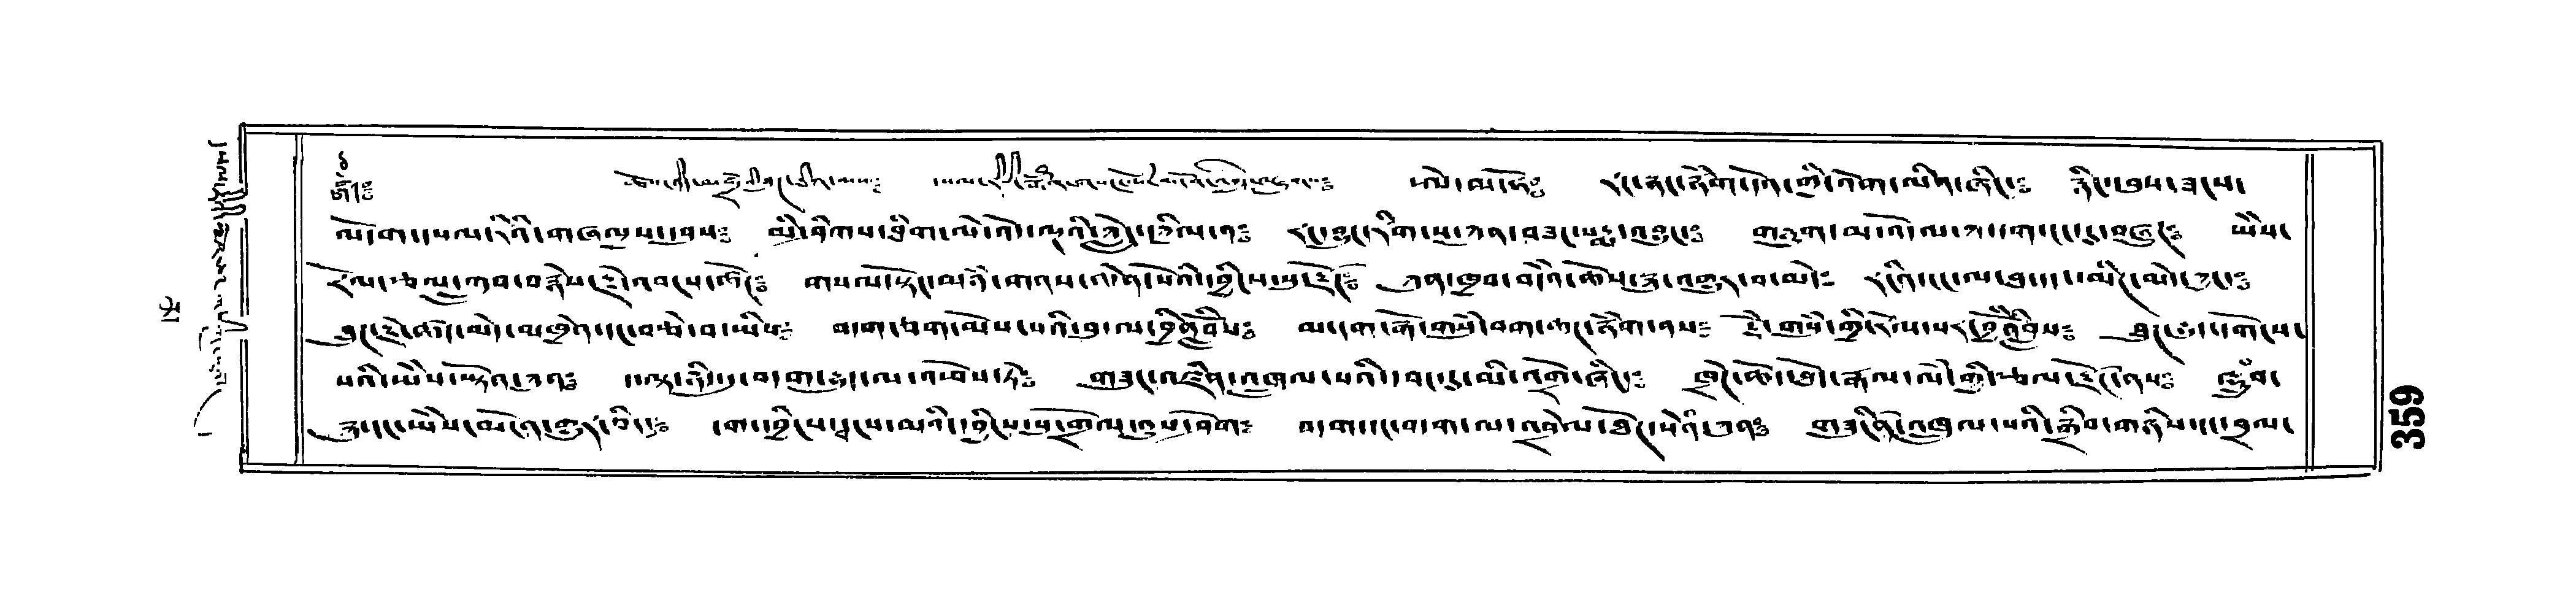ཆོས་ཉིད་མཁའ་འགྲོའི་ཐུགས་ཏིག་ལས༔ དཔལ་རིའི་སྨོན་ལམ་གསང་ལམ་མངོན་འབྱེད་བཞུགས༔ ཨེ་མ་ཧོ༔ རང་སྣང་རྣམ་དག་དོན་གྱི་འོག་མིན་ཞིང༔ སྙིང་དབུས་ཟངས་
མདོག་དཔལ་རིའི་གཞལ་ཡས་དབུས༔ མི་ཤིགས་ཐིག་ལེ་འོད་ལྔའི་ཀློང་དཀྱིལ་ན༔ རང་བྱུང་རིག་པ་ཀུན་བཟང་པདྨ་འབྱུང༔ གཉུག་མ་འོད་གསལ་ཀ་དག་ངང་དུ་བཞུགས༔ ཡེ་ཤེས་
རོལ་རྩལ་གྲུབ་བརྙེས་རྗེ་འབངས་ཚོགས༔ གསལ་སྟོང་མཉམ་གནས་ཆེན་པོའི་དབྱིངས་སུ་རྫོགས༔ ཀུན་ཁྱབ་བདེ་ཆེན་ཆོས་སྐུ་འགྱུར་བ་མེད༔ རང་བཞིན་ངང་ལ་ཐ་དད་དམིགས་མེད་ཀྱང༔ 
ཐུགས་རྗེ་ཚད་མེད་མཁྱེན་དང་བརྩེ་བ་ཡིས༔ བདག་ཅག་མོས་པའི་བུ་ལ་བྱིན་གྱིས་རློབས༔ མ་དག་སྒོ་གསུམ་བག་ཆགས་རྣམ་དག་ནས༔ རྡོ་རྗེ་གསུམ་གྱི་རོལ་པར་བྱིན་གྱིས་རློབས༔ ཐུགས་རྒྱུད་དགོངས་
པའི་ཡེ་ཤེས་ཡོན་ཏན་ཀུན༔ ད་ལྟ་ཉིད་དུ་བདག་རྒྱུད་ལ་འཕོས་ཏེ༔ གཟུང་འཛིན་འཁྲུལ་པའི་དབང་དུ་མི་འགྲོ་ཞིང༔ ཁྲེགས་ཆོད་ཐོད་རྒལ་ལམ་གྱི་རྩལ་རྫོགས་ནས༔ ལྷུན་གྲུབ་
སྐུ་དང་ཡེ་ཤེས་མངོན་གྱུར་ཅིང༔ དག་དབྱིངས་དྭངས་མའི་དབྱིངས་སུ་གྲོལ་ནུས་ཤོག༔ བདག་དང་བདག་ལ་འབྲེལ་ཐོགས་སེམས་ཅན་ཀུན༔ གཟུང་འཛིན་འཁྲུལ་པའི་སྒྲིབ་གཉིས་དང་བྲལ་